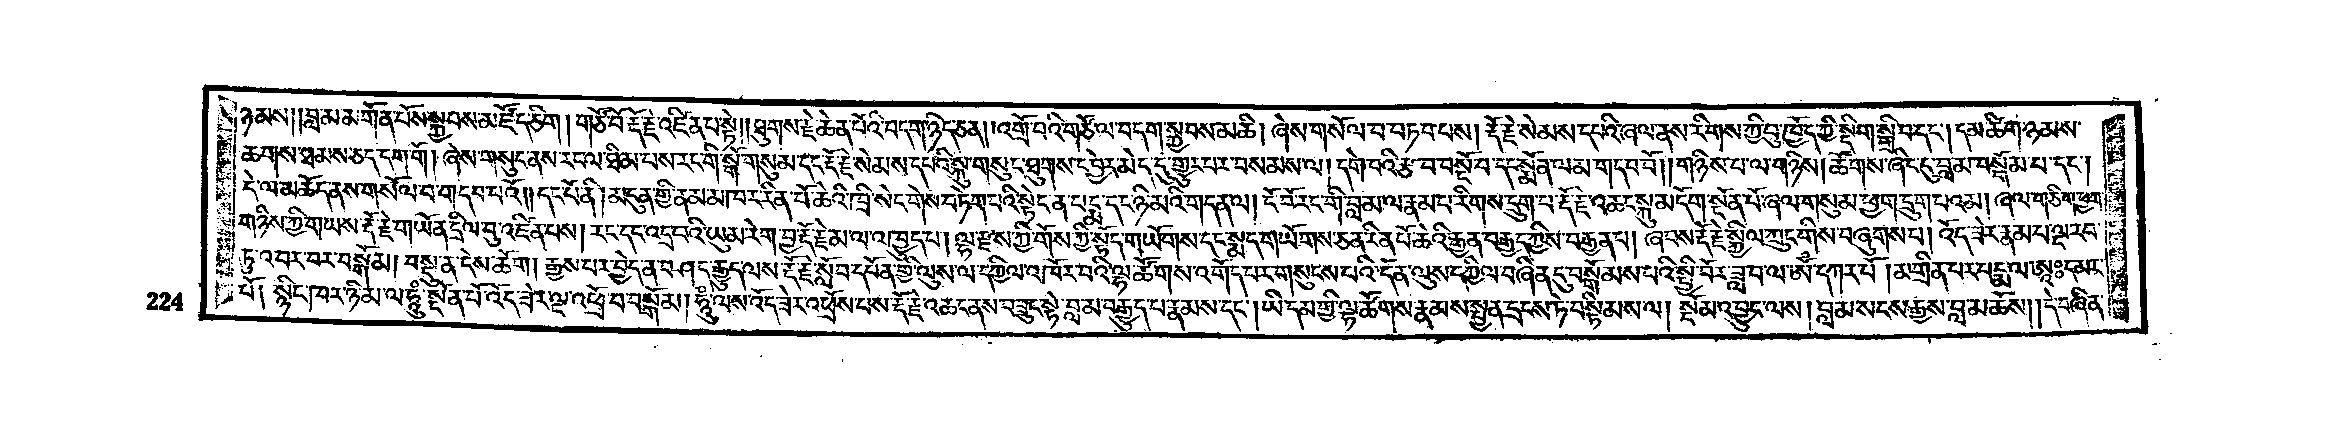ཉམས། །བླ་མ་མགོན་པོས་སྐྱབས་མཛེད་ཅིག །གཙོ་བོ་རྡོ་རྗེ་འཛིན་པ་སྟེ། །ཐུགས་རྗེ་ཆེན་པོའི་བདག་ཉིད་ཅན། །འགྲོ་བའི་གཙོ་ལ་བདག་སྐྱབས་མཆི། ཞེས་གསོལ་བ་བཏབ་པས། རྡོ་རྗེ་སེམས་དཔའི་ཞལ་ནས་རིགས་ཀྱི་བུ་ཁྱོད་ཀྱི་སྡིག་སྒྲིབ་དང་། དམ་ཚིག་ཉམས་
ཆགས་ཐམས་ཅད་དག་གོ །ཞེས་གསུང་ནས་རང་ལ་ཐིམ་པས་རང་གི་སྒོ་གསུམ་དང་རྡོ་རྗེ་སེམས་དཔའི་སྐུ་གསུང་ཐུགས་དབྱེར་མེད་དུ་གྱུར་པར་བསམས་ལ། དགེ་བའི་རྩ་བ་བསྔོ་བ་དང་སྨོན་ལམ་གདབ་བོ། །གཉིས་པ་ལ་གཉིས། ཚོགས་ཞིང་དུ་བླ་མ་བསྒོམ་པ་དང་།
དེ་ལ་མཆོད་ནས་གསོལ་བ་གདབ་པའོ། །དང་པོ་ནི། མདུན་གྱི་ནམ་མཁར་རིན་པོ་ཆེའི་ཁྲི་སེང་གེས་བཏེག་པའི་སྟེང་ན་པདམ་དང་ཉི་མའི་གདན་ལ། ངོ་བོ་རང་གི་བླ་མ་ལ་རྣམ་པ་རིགས་དྲུག་པ་རྡོ་རྗེ་འཆང་སྐུ་མདོག་སྔོན་པོ་ཞལ་གསུམ་ཕྱག་དྲུག་པའམ། ཞལ་གཅིག་ཕྱག་
གཉིས་ཀྱི་གཡས་རྡོ་རྗེ་གཡོན་དྲིལ་བུ་འཛིན་པས། རང་དང་འདྲ་བའི་ཡུམ་རེག་བྱ་རྡོ་རྗེ་མ་ལ་འཁྱུད་པ། ལྷ་རྫས་ཀྱི་གོས་ཀྱི་སྟོད་གཡོགས་དང་སྨད་གཡོགས་ཅན་རིན་པོ་ཆེའི་རྒྱན་བརྒྱད་ཀྱིས་བརྒྱན་པ། ཞབས་རྡོ་རྗེ་སྐྱིལ་ཀྲུང་གིས་བཞུགས་པ། འོད་ཟེར་རྣམ་པ་ལྔ་རབ་
ཏུ་འབར་བར་བསྒོམ། བསྡུ་ན་དེས་ཆོག །རྒྱས་པར་བྱེད་ན་བཤད་རྒྱུད་ལས་རྡོ་རྗེ་སློབ་དཔོན་གྱི་ལུས་ལ་དཀྱིལ་འཁོར་བའི་ལྷ་ཚོགས་འགོད་པར་གསུངས་པའི་དོན་ལུས་དཀྱིལ་བཞིན་དུ་བསྒོམས་པའི་སྤྱི་བོར་ཟླ་བ་ལ་ཨོཾ་དཀར་པོ། མགྲིན་པར་པདམ་ལ་ཨཱཿ དམར་
པོ། སྙིང་ཁར་ཉི་མ་ལ་ཧཱུཾ་སྔོན་པོ་འོད་ཟེར་ལྔ་འཕྲོ་བ་བསྒོམ། ཧཱུཾ་ལས་འོད་ཟེར་འཕྲོས་པས་རྡོ་རྗེ་འཆང་ནས་བཟུང་སྟེ་བླ་མ་བརྒྱུད་པ་རྣམས་དང་། ཡི་དམ་གྱི་ལྷ་ཚོགས་རྣམས་སྤྱན་དྲངས་ཏེ་བསྟིམས་ལ། སྡོམ་འབྱུང་ལས། བླ་མ་སངས་རྒྱས་བླ་མ་ཆོས། །དེ་བཞིན་